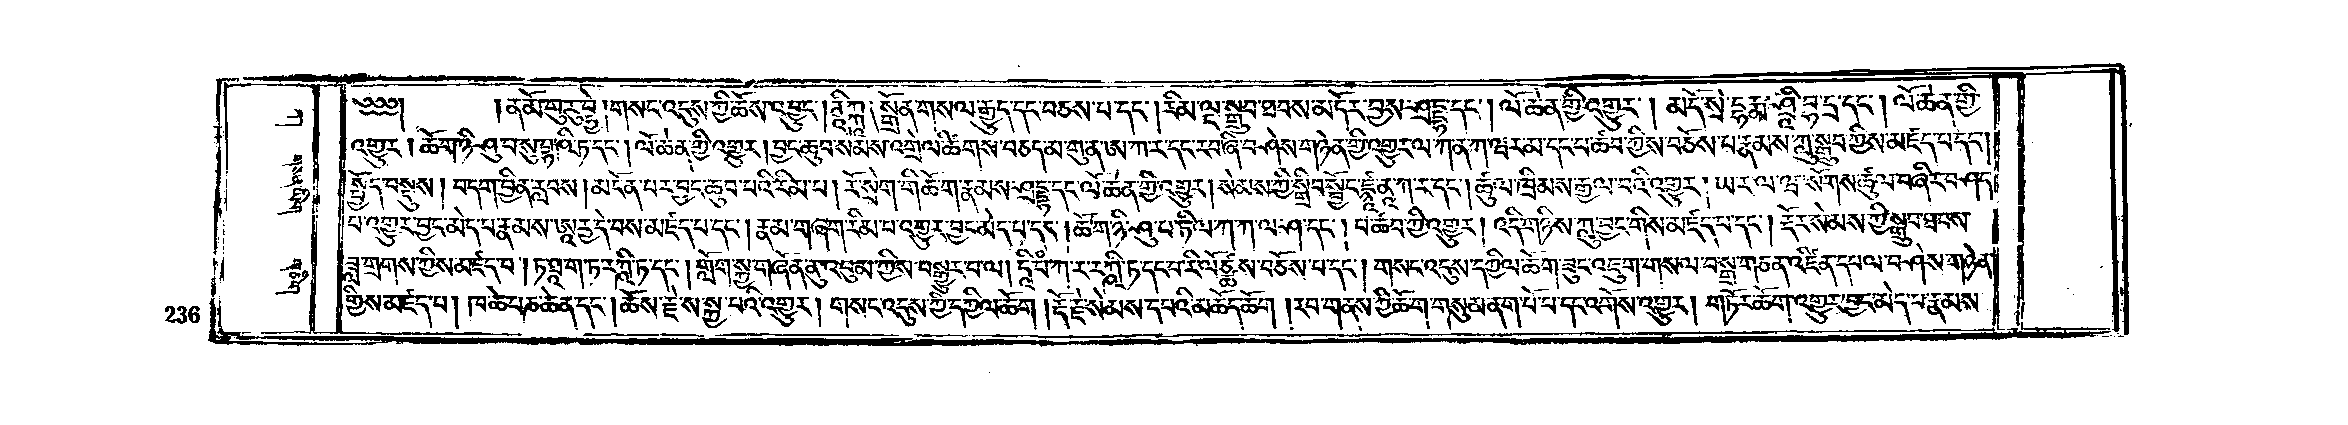༄༅༅། །ན་མོ་གུ་རུ་བྷཡེ། གསང་འདུས་ཀྱི་ཆོས་འབྱུང་། ཊཱིཀྐཱ། སྒྲོན་གསལ་རྒྱུད་དང་བཅས་པ་དང་། རིམ་ལྔ་སྒྲུབ་ཐབས་མདོར་བྱས་ཤྲའདྡྷ་དང་། ལོ་ཆེན་གྱི་འགྱུར། མདོ་སྲེ་དྷརྨ་ཤྲཱི་བྷ་དྲ་དང་། ལོ་ཆེན་གྱི་
འགྱུར། ཆོ་ག་ཉི་ཤུ་བ་སུ་བྷ་ཥི་ཏ་དང་། ལོ་ཆེན་གྱི་འགྱུར། བྱང་ཆུབ་སེམས་འགྲེལ་ཚིགས་བཅད་མ་གུ་ན་ཨ་ཀ་ར་དང་རབ་ཞི་བཤེས་གཉེན་གྱི་འགྱུར་ལ་ཀ་ན་ཝར་མ་དང་པ་ཚབ་ཀྱིས་བཅོས་པ་རྣམས་ཀླུ་སྒྲུབ་ཀྱིས་མཛད་པ་དང་།
སྤྱོད་བསྡུས། བདག་བྱིན་རླབས། མངོན་པར་བྱང་ཆུབ་པའི་རིམ་པ། རོ་སྲེག་གི་ཆོ་ག་རྣམས་ཤྲའདྡྷ་དང་ལོ་ཆེན་གྱི་འགྱུར། སེམས་ཀྱི་སྒྲིབ་སྦྱོང་ཛྙཱ་ནཱ་ཀ་ར་དང་། ཚུལ་ཁྲིམས་རྒྱལ་བའི་འགྱུར། ཡ་ར་ལ་ཝ་སོགས་ཚུལ་བཞིར་བཤད་
པ་འགྱུར་བྱང་མེད་པ་རྣམས་ཨའརཡ་དེ་བས་མཛད་དང་། རྣམ་གཞག་རིམ་པ་འགྱུར་བྱང་མེད་པ་དང་། ཆོ་ག་ཉི་ཤུ་པ་ཏི་ལ་ཀ་ཀ་ལ་ཤ་དང་། པ་ཚབ་ཀྱི་འགྱུར། འདི་གཉིས་ཀླུ་བྱང་གིས་མཛད་པ་དང་། རྡོར་སེམས་ཀྱི་སྒྲུབ་ཐབས་
ཟླ་གྲགས་ཀྱིས་མཛད་པ། ཏ་ཐཱ་ག་ཏ་རཀྵི་ཏ་དང་། གློག་སྐྱ་གཞོན་ནུ་འབུམ་ཀྱིས་བསྒྱུར་བ་ལ། དཱི་པཾ་ཀ་ར་རཀྵི་ཏ་དང་བ་རི་ལོཙྪས་བཅོས་པ་དང་། གསང་འདུས་དཀྱིལ་ཆོག་ཟུང་འཇུག་གསལ་བ་སྒྲ་གཅན་འཛིན་དཔལ་བཤེས་གཉེན་
གྱིས་མཛད་པ། ཁ་ཆེ་པཎ་ཆེན་དང་། ཆོས་རྗེ་ས་སྐྱ་པའི་འགྱུར། གསང་འདུས་ཀྱི་དཀྱིལ་ཆོག །རྡོ་རྗེ་སེམས་དཔའི་མཆོད་ཆོག །རབ་གནས་ཀྱི་ཆོ་ག་གསུམ་ནག་པོ་པ་དང་འགོས་འགྱུར། གཏོར་ཆོག་འགྱུར་བྱང་མེད་པ་རྣམས་